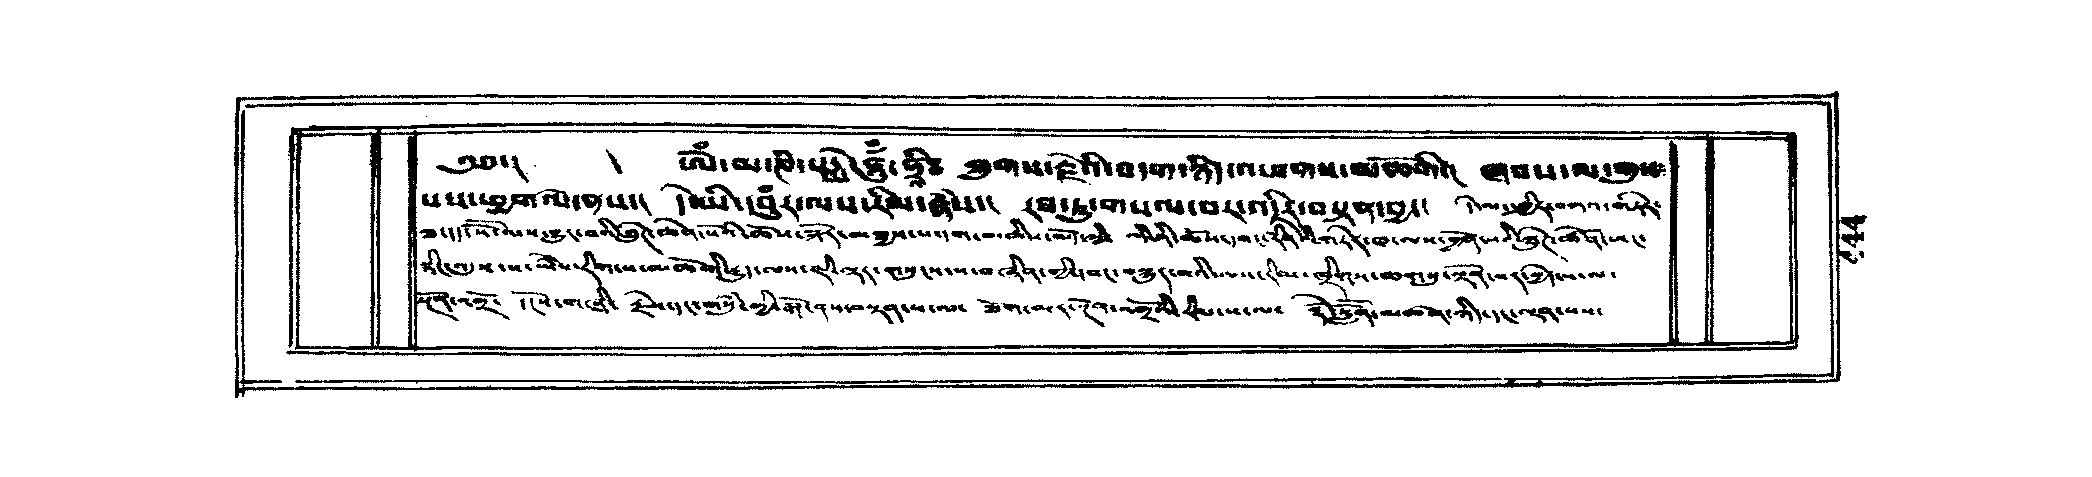ཨོྂ་མ་ཎི་པདྨེ་ཧཱུྂ་ཧྲཱིཿ ཐུགས་རྗེ་བདག་ཉིད་འཕགས་མཆོག་གི་།ཞབས་ལ་གུས་
པས་ཕྱག་འཚལ་ནས། །དེ་ཡི་དབང་བསྐུར་ལས་རིམ་རྣམས། །རབ་ཏུ་གསལ་བར་འདིར་བསྟན་བྱ། །དེ་ལ་སྤྱིར་བཀའ་གཏེར་
ཐ་དད་སོ་སོ་ལས་བྱུང་བའི་ཐུགས་རྗེ་ཆེན་པོའི་ཆོས་སྐོར་མཐའ་ཡས་པ་དག་མཆིས་མོད་ཀྱི། འདི་ནི་ཆོས་དབང་རིན་པོ་ཆེའི་གཏེར་ཁ་ལས་བྱོན་པའི་ཐུགས་རྗེ་ཆེན་པོ་ཡང་
སྙིང་འདུས་པ་ཡེ་ཤེས་རིག་པ་མཆོག་གི་རྒྱུད་ལསཇི་ལྟར་གསུངས་པ་བཞིན་གྱི་དབང་བསྐུར་བའི་ལས་རིམ་ཁྲིགས་ཆགས་སུ་སྟོན་པར་བྱེད་པ་ལ་
སྔོན་འགྲོ་དངོས་གཞི། རྗེས་དང་གསུམ་གྱི་སྒོ་ནས་བསྟན་པ་ལ། ཐོག་མར་སྔོན་འགྲོའི་རིམ་པ་ལ། རྡོ་རྗེ་སློབ་དཔོན་མཚན་ཉིད་དང་ལྡན་པས་